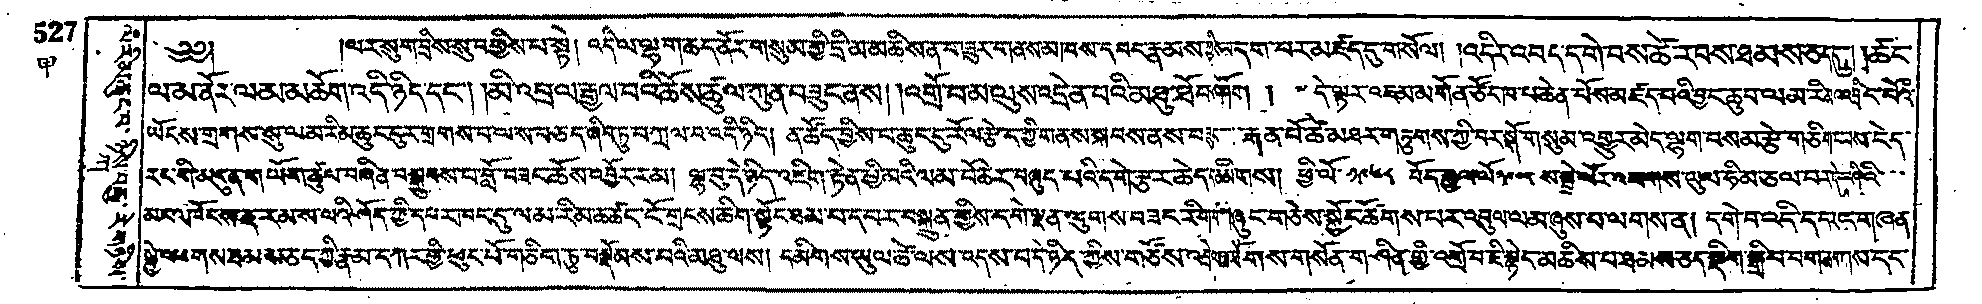༄༅། །ལར་སུག་བྲིས་སུ་བགྱིས་པ་སྟེ། འདི་ལ་ལྷག་ཆད་ནོར་གསུམ་གྱི་དྲི་མ་མཆིས་ན་གཟུར་གནས་མཁས་དབང་རྣམས་ཀྱིས་དག་པར་མཛད་དུ་གསོལ། །འདིར་འབད་དགེ་བས་ཚེ་རབས་ཐམས་ཅད་དུ། །ཚང་
ལ་མ་ནོར་ལམ་མཆོག་འདི་ཉིད་དང་། །མི་འབྲལ་རྒྱལ་བའི་ཆོས་ཚུལ་ཀུན་བཟུང་ནས། །འགྲོ་བ་མ་ལུས་འདྲེན་པའི་མཐུ་ཐོབ་ཤོག །དེ་ལྟར་འཇམ་མགོན་ཙོང་ཁ་པ་ཆེན་པོས་མཛད་པའི་བྱང་ཆུབ་ལམ་རིམ་འབྲིང་པོའཾ་
ཡོངས་གྲགས་སུ་ལམ་རིམ་ཆུང་དུར་གྲགས་པ་ལ་ས་བཅད་ཞིབ་ཏུ་བཀྲལ་བ་འདི་ཉིད། ན་ཚོད་བྱིས་པ་ཆུང་དུ་རོལ་རྩེད་ཀྱི་གནས་སྐབས་ནས་བཟུངྲྒན་པོ་ཚེ་མཐར་གཏུགས་ཀྱི་བར་སྒོ་གསུམ་འགྱུར་མེད་ལྷག་བསམ་རྩེ་གཅིག་པས་ངེད་
རང་གི་མདུན་གཡོག་ཚུལ་བཞིན་བསྒྲུབས་པ་བློ་བཟང་ཆོས་འབྱོར་རམ། ལྷ་བུ་དེ་ཉིད་འཇིག་རྟེན་ཕྱི་མའི་ལམ་པོ་ཆེར་བཞུད་པའི་དགེ་རྩར་ཆེད་དམིགས། ཕྱི་ལོ ༡༩༦༨་བོད་རྒྱལ་ལོ ༢༩༠༥་ས་སྦྲེ་ལོར་འཕགས་ཡུལ་ཧི་མ་ཅལ་པར་དེ་ཤིའི་
མངའ་ཁོངས་རྡ་རམ་ས་ལའི་ཤོད་ཀྱི་དཔར་ཁང་དུ་ལམ་རིམ་ཆ་ཚང་ངོ་གྲགས་ཆིག་སྟོང་ཐམ་པ་དཔར་བཀྲུན་གྱིས་དགེ་ལྡན་ལུགས་བཟང་རིག་གཞུང་གཅེས་སྐྱོང་ཚོགས་པར་འབུལ་ལམ་ཞུས་པ་ལགས་ན། དགེ་བ་འདི་དང་རང་གཞན་
སྐྱེ་འཕགས་ཐམས་ཅད་ཀྱི་རྣམ་དཀར་གྱི་ཕུང་པོ་གཅིག་ཏུ་བསྡོམས་པའི་མཐུ་ལས། དམིགས་ཡུལ་ཚེ་ལས་འདས་པ་དེ་ཉིད་ཀྱིས་གཙོས་འབྲེལ་ཐོགས་གསོན་གཤིན་གྱི་འགྲོ་བ་ཇི་སྙེད་མཆིས་པ་ཐམས་ཅད་སྡིག་སྒྲིབ་བག་ཆགས་དང་